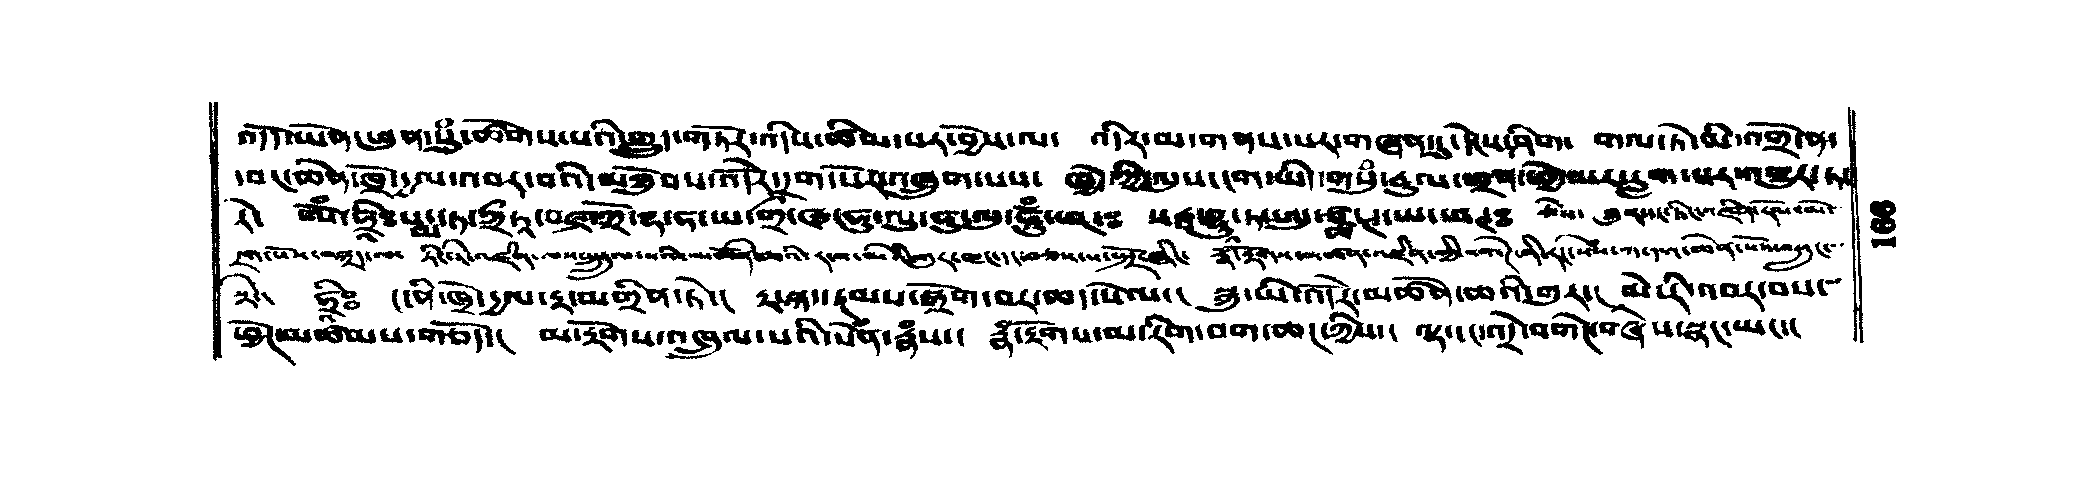འདོད་ཡོན་ཕུན་སུམ་ཚོགས་པའི་གླུ་གཏོར་འདིས་ཚིམ་པར་བྱོས་ལ།འདིར་མ་གནས་པར་གཞན་དུ་དེངས་ཤིག གལ་ཏེ་མི་འགྲོ་ན་
དབང་ཆེན་ཁྲོ་རྒྱལ་འབར་བའི་མཐུ་སྟོབས་འོད་ཟེར་དྲག་པོར་ཁྲུག་པས་ཁྱེད་ཀྱི་ལུས་ངག་ཡིད་གསུམ་རྡུལ་ཕྲན་ཕྱེ་མར་རླག་པར་འགྱུར་ཏ་
རེ། ཨོཾ་ཧྲཱིཿཔདྨ་ཏ་ཀྲྀཏཱ་བཛྲ་ཀྲོ་བྷ་ཧ་ཡ་གྲྀ་ཝ་ཧུ་ལུ་ཧུ་ལུ་ཧཱུྃ་ཕཊཿ སརྦ་བྷཱུ་ཏ་ཨུ་ཙྪ་ཊ་ཡ་ཕཊཿ ཅེས། ཐུན་དང་ཏིང་འཛིན་རོལ་མོ་
དྲག་པོས་བསྐྲད་ལ། ཏིང་ངེ་འཛིན་ལས་སྤྲུལ་པའི་མཚོན་ཆའི་ར་བ་མེའི་གུར་ཁང་དང་བཅས་པ་སྤྲོ་ཞིང་། རྣམ་རྟོགས་མཚན་འཛིན་གྱི་བགེགས་ནི་རང་སེམས་ཀ་དག་ཆེན་པོས་བསྲུང་
སྟེ། ཧྲཱིཿ ང་ནི་ཁྲོ་རྒྱལ་རྟ་མགྲིན་ཏེ། རྟ་སྐད་རྔམས་སྒྲོ་བར་ཆད་སེལ། སྐུ་ཡི་འོད་ཟེར་མཚོན་ཆའི་གུར། མེ་རི་འབར་བས་
ཕྱོགས་མཚམས་གཅོད། མ་རྟོགས་འཁྲུལ་པའི་སེམས་ཅན་རྣམས། རྣམ་རྟོགས་མ་རིག་བག་ཆགས་ཀྱིས། ལྷ་དང་འདྲེ་བགེགས་བཞེས་སྣང་ཡང་།